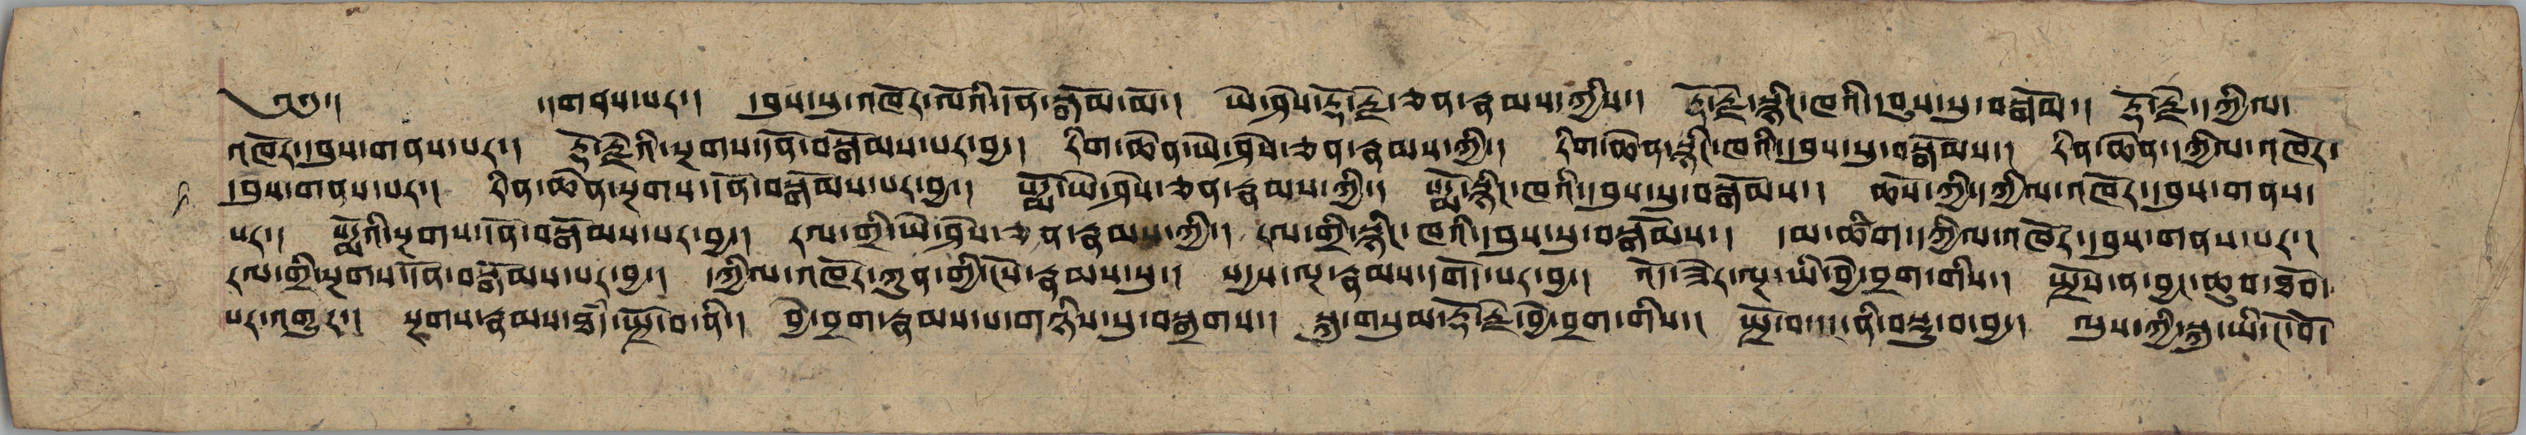༄༅་། ་།གནས་པར་། དབུས་སུ་འཁོར་ལོའི་དོན་སྒོམ་མོ་། ཡེ་ཤེས་རྡོ་རྗེ་ཅན་རྣམས་ཀྱིས་། རྡོ་རྗེ་སྙིང་ཁའི་དབུས་སུ་བསྒོམ་། རྡོ་རྗེ་དཀྱིལ་
འཁོར་དབུས་གནས་པར་། རྡོ་རྗེའི་སྔགས་དོན་བསྒོམས་པར་བྱ་། རིག་ཆེན་ཡེ་ཤེས་ཅན་རྣམས་ཀྱི་། རིག་ཆེན་སྙིང་ཁའི་དབུས་སུ་བསྒོམས་། རིན་ཆེན་དཀྱིལ་འཁོར་
དབུས་གནས་པར་། རིན་ཆེན་སྔགས་དོན་བསྒོམས་པར་བྱ་། པདྨོ་ཡེ་ཤེས་ཅན་རྣམས་ཀྱི་། པདྨོ་སྙིང་ཁའི་དབུས་སུ་བསྒོམས་། ཆོས་ཀྱི་དཀྱིལ་འཁོར་དབུས་གནས་
པར་། པདྨོའི་སྔགས་དོན་བསྒོམས་པར་བྱ་། རལ་གྲི་ཡེ་ཤེས་ཅན་རྣམས་ཀྱི་། རལ་གྲི་སྙིང་ཁའི་དབུས་སུ་བསྒོམས་། དམ་ཚིག་དཀྱིལ་འཁོར་དབུས་གནས་པར་།
རལ་གྲི་སྔགས་དོན་བསྒོམས་པར་བྱ་། དཀྱིལ་འཁོར་ཀུན་གྱི་ངོས་རྣམས་སུ་། སདྱས་ལྔ་རྣམས་དགོད་པར་བྱྲ་། འོད་ཟེར་ལྔ་ཡི་བྱེ་བྲག་གིས་། སྤྲོས་ན་བྱང་ཆུབ་ཐོབ་
པར་འགྱུར་། སྔགས་རྣམས་ཐཾད་སྤྲོ་བ་ནི་། བྱེ་བྲག་རྣམས་པ་གཉིས་སུ་བསྒྲགས་། སྐུ་གསུམ་རྡོ་རྗེ་བྱེ་བྲག་གིས་། སྤྲོ་བ་དང་ནི་བསྡུ་བ་བྱ་། ལུས་ཀྱི་སྐུ་ཡི་ངོ་བོ་